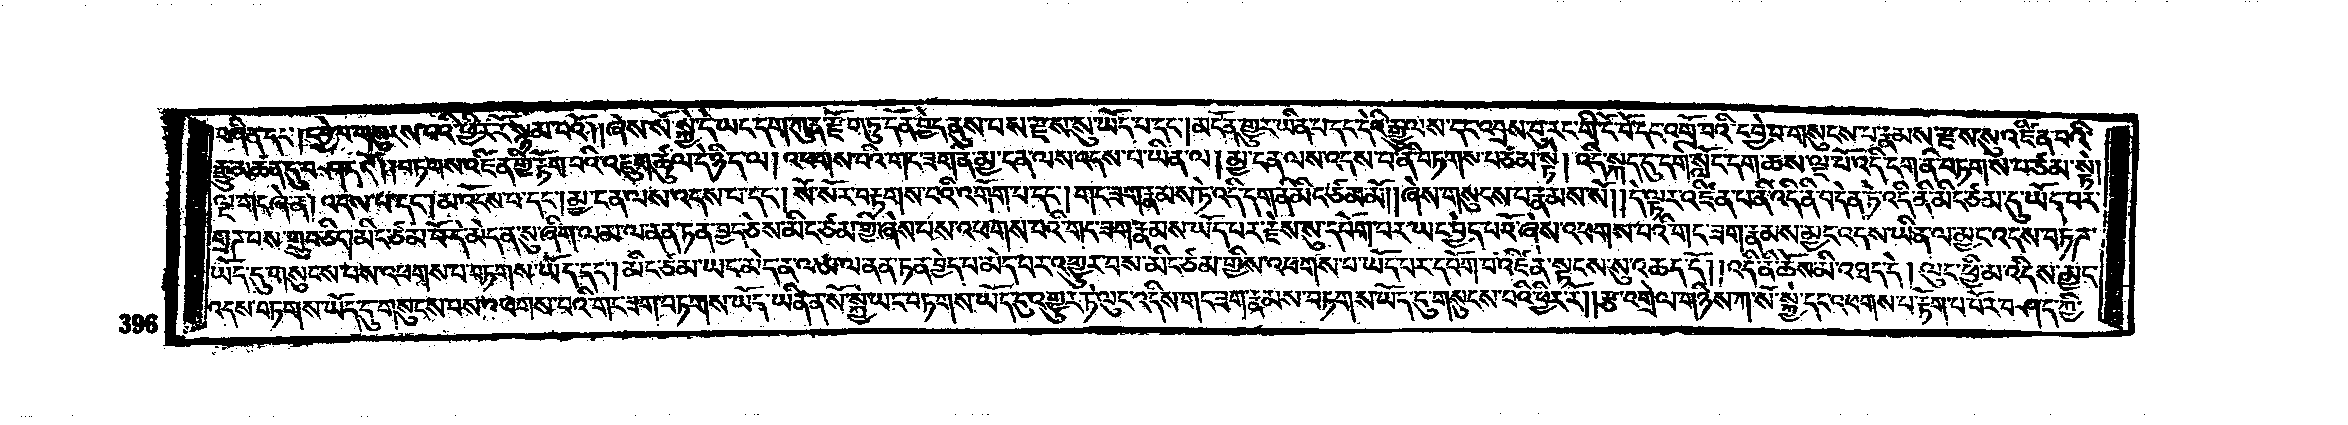བཞིན་དང་། དབྱེ་བ་གསུངས་པའི་ཕྱིར་རོ་སྙམ་པའོ། །ཞེས་སོ་སྐྱེ་དེ་ཡང་དག་ཀུན་རྫོབ་ཏུ་དོན་བྱེད་ནུས་པས་རྫས་སུ་ཡོད་པ་དང་། མངོན་གྱུར་ཡིན་པ་དང་དེའི་རྒྱུ་ལས་དང་འབྲས་བུ་རང་གི་ངོ་བོ་དང་འགྲོ་བའི་དབྱེ་བ་གསུངས་པ་རྣམས་རྫས་སུ་འཛིན་པའི་
རྒྱུ་མཚན་དུ་བཤད་དོ། །བཏགས་འཛིན་གྱི་རྟོག་པའི་འཇུག་ཚུལ་དེ་ཉིད་ལ། འཕགས་པའི་གང་ཟག་ནི་མྱ་ངན་ལས་འདས་པ་ཡིན་ལ། མྱ་ངན་ལས་འདས་པ་ནི་བཏགས་པ་ཙམ་སྟེ། འདི་སྐད་དུ་དགེ་སློང་དག་ཆས་ལྔ་པོ་འདི་དག་ནི་བཏགས་པ་ཙམ་སྟེ།
ལྔ་གང་ཞེ་ན། འདས་པ་དང་། མ་འོངས་པ་དང་། མྱ་ངན་ལས་འདས་པ་དང་། སོ་སོར་བརྟགས་པའི་འགོག་པ་དང་། གང་ཟག་རྣམས་ཏེ་འདི་དག་ནི་མིང་ཙམ་མོ། །ཞེས་གསུངས་པ་རྣམས་སོ། །དེ་ལྟར་འཛིན་པ་ནི་འདི་ནི་བདེན་ཏེ་འདི་ནི་མིང་ཙམ་དུ་ཡོད་པར་
གྲགས་པས་གྲུབ་ཅིང་། མིང་ཙམ་པོ་དེ་མེད་ན་སུ་ཞིག་ལམ་ལ་ནན་ཏན་བྱེད་ཅེས་མིང་ཙམ་གྱི་ཞེས་པས་འཕགས་པའི་གང་ཟག་རྣམས་ཡོད་པར་རྗེས་སུ་དཔོག་པར་ཡང་བྱེད་པའོ་ཞེས་འཕགས་པའི་གང་ཟག་རྣམས་མྱང་འདས་ཡིན་ལ་མྱང་འདས་བཏགས་
ཡོད་དུ་གསུངས་པས་འཕགས་པ་བཏགས་ཡོད་དང་། མིང་ཙམ་ཡང་མེད་ན་ལམ་ལ་ནན་ཏན་བྱེད་པ་མེད་པར་འགྱུར་བས་མིང་ཙམ་གྱིས་འཕགས་པ་ཡོད་པར་དཔོག་པ་འཛིན་སྟངས་སུ་འཆད་དོ། །འདི་ནི་ཆེས་མི་འཐད་དེ། ལུང་ཕྱི་མ་འདིས་མྱང་
འདས་བཏགས་ཡོད་དུ་གསུངས་པས་འཕགས་པའི་གང་ཟག་བཏགས་ཡོད་ཡིན་ན་སོ་སྐྱེ་ཡང་བཏགས་ཡོད་དུ་འགྱུར་ཏེ་ལུང་འདིས་གང་ཟག་རྣམས་བཏགས་ཡོད་དུ་གསུངས་པའི་ཕྱིར་རོ། །རྩ་འགྲེལ་གཉིས་ཀ་སོ་སྐྱེ་དང་འཕགས་པ་རྟོག་པ་པོར་བཤད་ཀྱི་